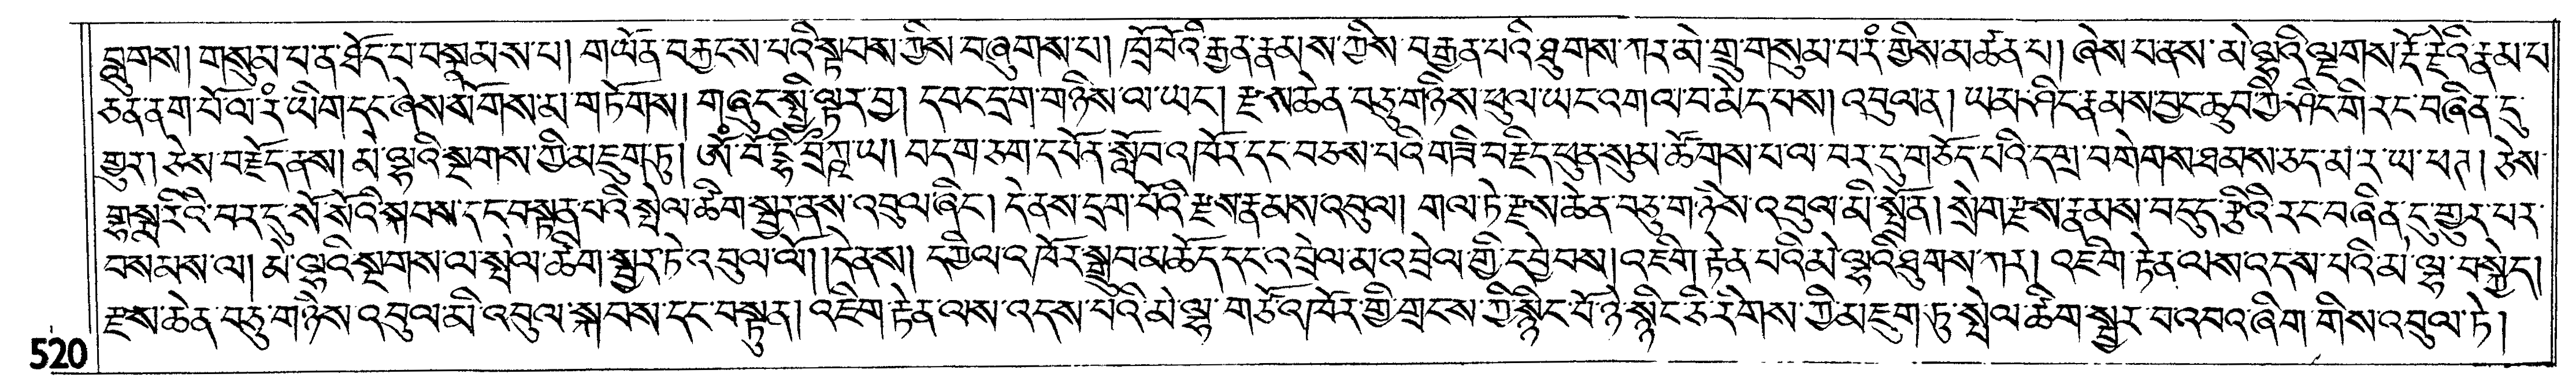བླུགས། གསུམ་པ་ན་ཐོད་པ་བསྣམས་པ། གཡོན་བརྐྱངས་པའི་སྟབས་ཀྱིས་བཞུགས་པ། ཁྲོ་བོའི་རྒྱན་རྣམས་ཀྱིས་བརྒྱན་པའི་ཐུགས་ཀར་མེ་གྲུ་གསུམ་པ་རཾ་གྱིས་མཚན་པ། ཞེས་པ་ནས་མེ་ལྷའི་ལྗགས་རྡོ་རྗེའི་རྣམ་པ་
ཅན་ནག་པོ་ལ་རཾ་ཡིག་དང་ཞེས་སོགས་མ་གཏོགས། གཞུང་སྤྱི་ལྟར་བྱ། དབང་དྲག་གཉིས་ལ་ཡང་། རྫས་ཆེན་བཅུ་གཉིས་ཕུལ་ཡང་འགལ་བ་མེད་པས། འབུལ་ན། ཡམ་ཤིང་རྣམས་བྱང་ཆུབ་ཀྱི་ཤིང་གི་རང་བཞིན་དུ་
གྱུར། ཅེས་བརྗོད་ནས། མེ་ལྷའི་སྔགས་ཀྱི་མཇུག་ཏུ། ཨོཾ་བོ་དྷི་བྲྀཀྵ་ཡ། བདག་ཅག་དཔོན་སློབ་འཁོར་དང་བཅས་པའི་གཟི་བརྗིད་ཕུན་སུམ་ཚོགས་པ་ལ་བར་དུ་གཅོད་པའི་དགྲ་བགེགས་ཐམས་ཅད་མ་ར་ཡ་ཕཊ། ཅེས་
གྷསྨ་རིའི་བར་དུ་སོ་སོའི་སྐབས་དང་བསྟན་པའི་སྤེལ་ཚིག་སྦྱར་ནས་འབུལ་ཞིང་། དེ་ནས་དྲག་པོའི་རྫས་རྣམས་འབུལ། གལ་ཏེ་རྫས་ཆེན་བཅུ་གཉིས་འབུལ་མི་སྤྲོ་ན། སྲེག་རྫས་རྣམས་བདུད་རྩིའི་རང་བཞིན་དུ་གྱུར་པར་
བསམས་ལ། མེ་ལྷའི་སྔགས་ལ་སྤེལ་ཚིག་སྦྱར་ཏེ་འབུལ་ལོ། །དེ་ནས། དཀྱིལ་འཁོར་སྒྲུབ་མཆོད་དང་འབྲེལ་མ་འབྲེལ་གྱི་དབྱེ་བས། འཇིག་རྟེན་པའི་མེ་ལྷའི་ཐུགས་ཀར། འཇིག་རྟེན་ལས་འདས་པའི་མེ་ལྷ་བསྐྱེད།
རྫས་ཆེན་བཅུ་གཉིས་འབུལ་མི་འབུལ་སྐབས་དང་བསྟུན། འཇིག་རྟེན་ལས་འདས་པའི་མེ་ལྷ་གཙོ་འཁོར་གྱི་གྲངས་ཀྱི་སྙིང་པོ་ཉེ་སྙིང་ཅི་རིགས་ཀྱི་མཇུག་ཏུ་སྤེལ་ཚིག་སྦྱར་བ་འབའ་ཞིག་གིས་འབུལ་ཏེ།